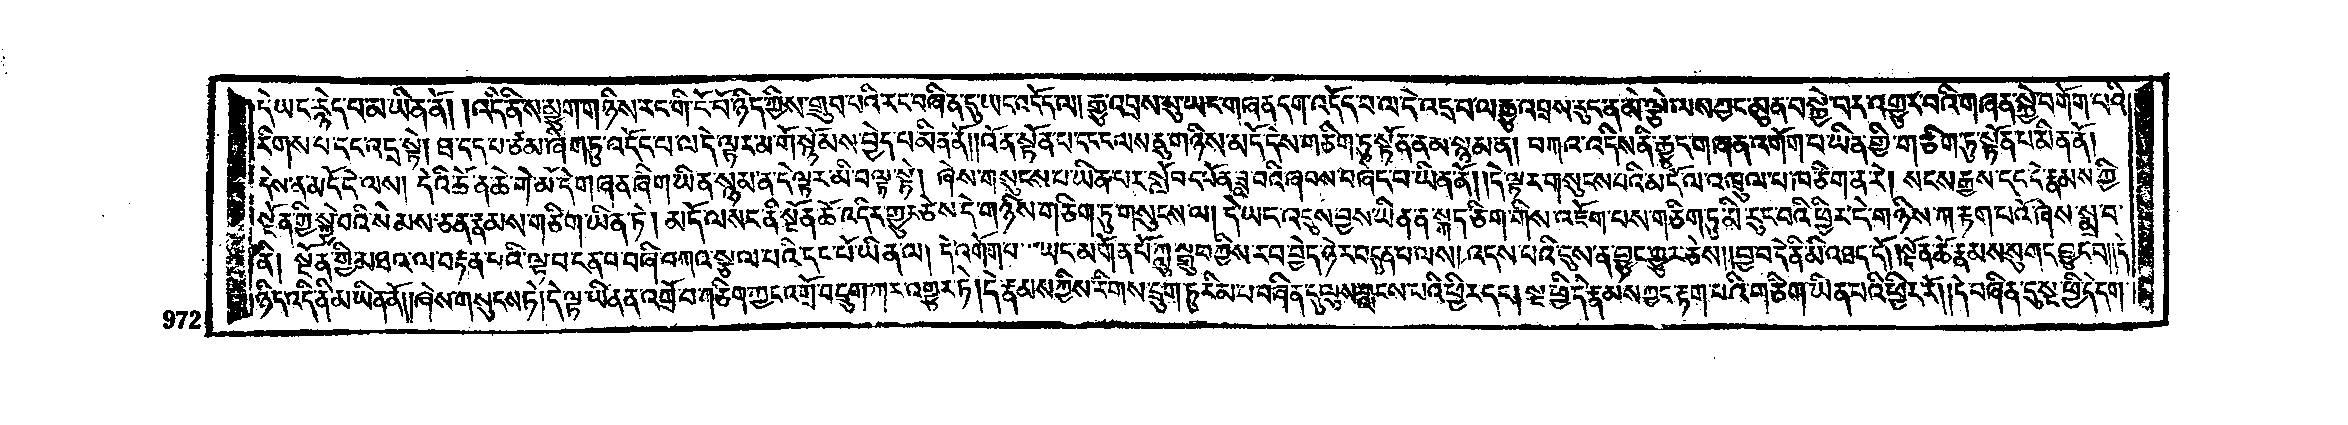དེ་ཡང་རྙེད་པ་མ་ཡིན་ནོ། །འདི་ནི་ས་མྱུག་གཉིས་རང་གི་ངོ་བོ་ཉིད་ཀྱིས་གྲུབ་པའི་རང་བཞིན་དུ་ཡང་འདོད་ལ། རྒྱུ་འབྲས་སུ་ཡང་གཞན་དག་འདོད་པ་ལ་དེ་འདྲ་བ་ལ་རྒྱུ་འབྲས་རུང་ན་མེ་ལྕེ་ལས་ཀྱང་མུན་པ་སྐྱེ་བར་འགྱུར་བའི་གཞན་སྐྱེ་འགོག་པའི་
རིགས་པ་དང་འདྲ་སྟེ། ཐ་དད་པ་ཙམ་ཞིག་ཏུ་འདོད་པ་ལ་དེ་ལྟར་མགོ་སྙོམས་བྱེད་པ་མིན་ནོ། །འོ་ན་སྟོན་པ་དང་ང་ལས་ནུ་གཉིས་མདོ་དེས་གཅིག་ཏུ་སྟོན་ནམ་སྙམ་ན། བཀའ་འདིས་ནི་རྒྱུད་གཞན་འགོག་པ་ཡིན་གྱི། གཅིག་ཏུ་སྟོན་པ་མིན་ནོ། །
དེས་ན་མདོ་དེ་ལས། དེའི་ཚེ་ན་ཆེ་གེ་མོ་དེ་གཞན་ཞིག་ཡིན་སྙམ་ན་དེ་ལྟར་མི་བལྟ་སྟེ། ཞེས་གསུངས་པ་ཡིན་པར་སློབ་དཔོན་ཟླ་བའི་ཞབས་བཞེད་པ་ཡིན་ནོ། །དེ་ལྟར་གསུངས་པའི་མདོ་ལ་འཁྲུལ་བ་ཁ་ཅིག་ན་རེ། སངས་རྒྱས་དང་དེ་རྣམས་ཀྱི་
སྔོན་གྱི་སྐྱེ་བའི་སེམས་ཅན་རྣམས་གཅིག་ཡིན་ཏེ། མདོ་ལས་ང་ནི་སྔོན་ཚེ་འདིར་གྱུར་ཅེས་དེ་གཉིས་གཅིག་ཏུ་གསུངས་ལ། དེ་ཡང་འདུས་བྱས་ཡིན་ན་སྐད་ཅིག་གིས་འཇིག་པས་གཅིག་ཏུ་མི་རུང་བའི་ཕྱིར་དེ་གཉིས་ཀ་རྟག་པའོ་ཞེས་སྨྲ་བ་
ནི༑ སྔོན་གྱི་མཐའ་ལ་བརྟེན་པའི་ལྟ་བ་ངན་པ་བཞི་བཀའ་སྩལ་བའི་དང་པོ་ཡིན་ལ། དེ་འགོག་པ་ཡང་མགོན་པོ་ཀླུ་སྒྲུབ་ཀྱིས་རབ་བྱེད་ཉེར་བདུན་པ་ལས། འདས་པའི་དུས་ན་བྱུང་གྱུར་ཅེས། །བྱ་བ་དེ་ནི་མི་འཐད་དོ། །སྔོན་ཚེ་རྣམས་སུ་གང་བྱུང་བ། །དེ་
ཉིད་འདི་ནི་མ་ཡིན་ནོ། །ཞེས་གསུངས་ཏེ། དེ་ལྟ་ཡིན་ན་འགྲོ་བ་གཅིག་ཀྱང་འགྲོ་བ་དྲུག་ཀར་འགྱུར་ཏེ། དེ་རྣམས་ཀྱིས་རིགས་དྲུག་ཏུ་རིམ་པ་བཞིན་དུ་ལུས་བླངས་པའི་ཕྱིར་དང་། སྔ་ཕྱི་དེ་རྣམས་ཀྱང་རྟག་པའི་གཅིག་ཡིན་པའི་ཕྱིར་རོ། །དེ་བཞིན་དུ་སྔ་ཕྱི་དེ་དག་